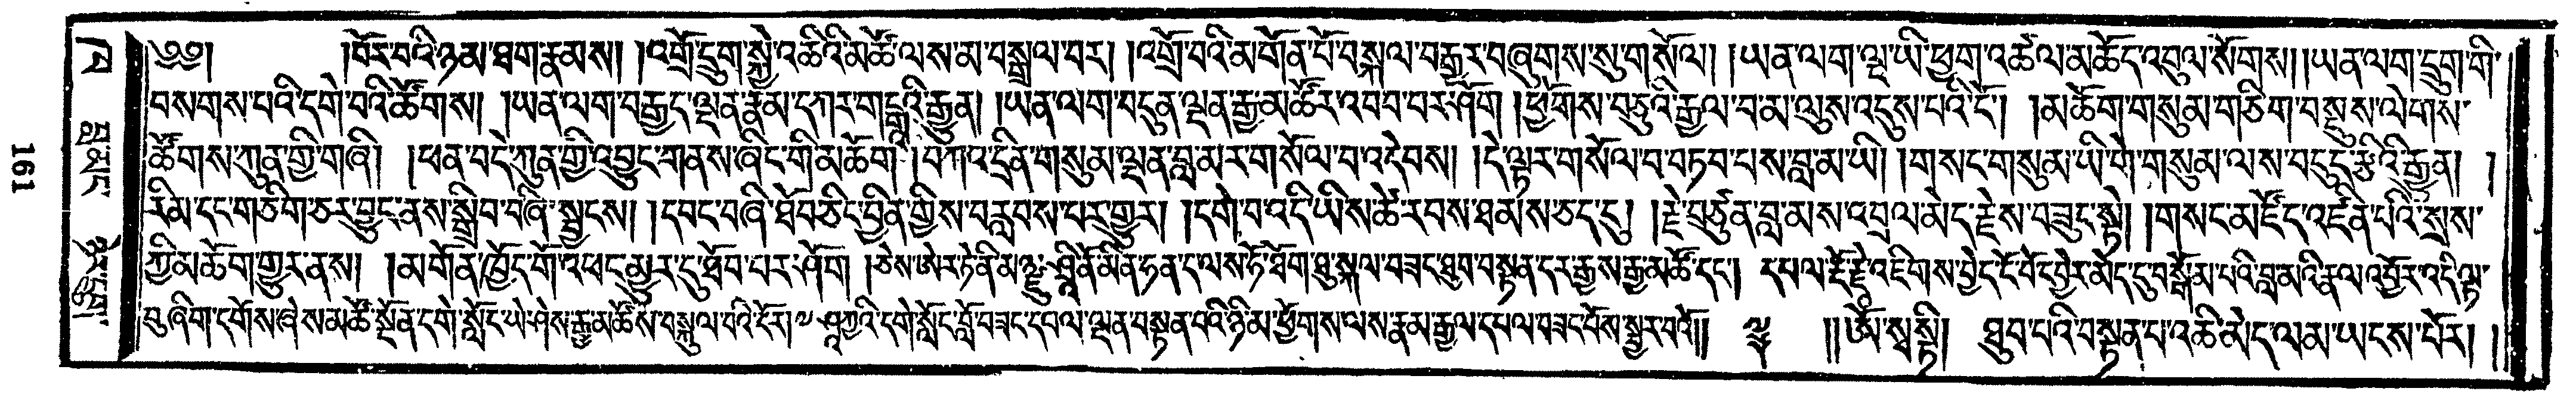༄༅། །བོར་བའི་ཉམ་ཐག་རྣམས། །འགྲོ་དྲུག་སྐྱེ་འཆིའི་མཚོ་ལས་མ་བསྒྲལ་བར། །འགྲོ་བའི་མགོན་པོ་བསྐལ་བརྒྱར་བཞུགས་སུ་གསོལ། །ཡན་ལག་ལྔ་ཡི་ཕྱག་འཚལ་མཆོད་འབུལ་སོགས། །ཡན་ལག་དྲུག་གི་
བསགས་པའི་དགེ་བའི་ཚོགས། །ཡན་ལག་བརྒྱད་ལྡན་རྣམ་དཀར་གངྒཱའི་རྒྱུན། །ཡན་ལག་བདུན་ལྡན་རྒྱ་མཚོར་འབབ་པར་ཤོག །ཕྱོགས་བཅུའི་རྒྱལ་བ་མ་ལུས་འདུས་པའི་ངོ། །མཆོག་གསུམ་གཅིག་བསྡུས་ལེགས་
ཚོགས་ཀུན་གྱི་གཞི། །ཕན་བདེ་ཀུན་གྱི་འབྱུང་གནས་ཞིང་གི་མཆོག །བཀའ་དྲིན་གསུམ་ལྡན་བླ་མར་གསོལ་བ་འདེབས། །དེ་ལྟར་གསོལ་བ་བཏབ་པས་བླ་མ་ཡི། །གསང་གསུམ་ཡི་གེ་གསུམ་ལས་བདུད་རྩིའི་རྒྱུན། །
རིམ་དང་གཅིག་ཅར་བྱུང་ནས་སྒྲིབ་བཞི་སྦྱངས། །དབང་བཞི་ཐོབ་ཅིང་བྱིན་གྱིས་བརླབས་པར་གྱུར། །དགེ་བ་འདི་ཡིས་ཚེ་རབས་ཐམས་ཅད་དུ། །རྗེ་བཙུན་བླ་མས་འབྲལ་མེད་རྗེས་བཟུང་སྟེ། །གསང་མཛོད་འཛིན་པའི་སྲས་
ཀྱི་མཆོག་གྱུར་ནས། །མགོན་ཁྱོད་གོ་འཕང་མྱུར་དུ་ཐོབ་པར་ཤོག །ཅེས་ཨེར་ཏེ་ནི་མཉྫུ་ཤྲཱི་ནོ་མིན་ཧན་ད་ལས་ཧོ་ཐོག་ཐུ་སྐལ་བཟང་ཐུབ་བསྟན་དར་རྒྱས་རྒྱ་མཚོ་དང་། དཔལ་རྡོ་རྗེ་འཇིགས་བྱེད་ངོ་བོ་དབྱེར་མེད་དུ་བསྒོམ་པའི་བླ་མའི་རྣལ་འབྱོར་འདི་ལྟ་
བུ་ཞིག་དགོས་ཞེས་མཚོ་སྔོན་དགེ་སློང་ཡེ་ཤེས་རྒྱ་མཚོས་བསྐུལ་བའི་ངོར། ༧་ཤཱཀྱའི་དགེ་སློང་བློ་བཟང་དཔལ་ལྡན་བསྟན་པའི་ཉི་མ་ཕྱོགས་ལས་རྣམ་རྒྱལ་དཔལ་བཟང་པོས་སྦྱར་བའོ།། ༈ །།ཨོཾ་སྭ་སྟི། ཐུབ་པའི་བསྟན་པ་འཆི་མེད་ལམ་ཡངས་པོར། །